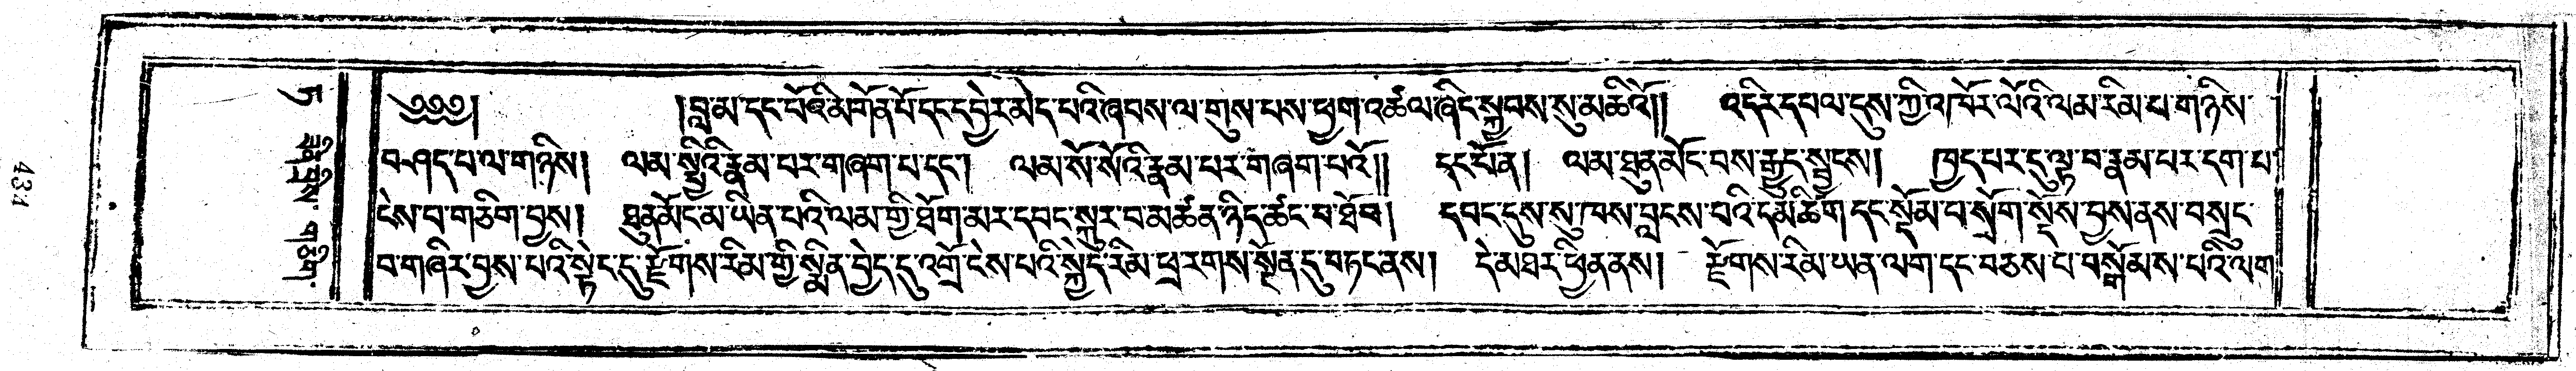༄༅༅། །བླ་མ་དང་པོའི་མགོན་པོ་དང་དབྱེར་མེད་པའི་ཞབས་ལ་གུས་པས་ཕྱག་འཚལ་ཞིང་སྐྱབས་སུ་མཆིའོ།། འདིར་དཔལ་དུས་ཀྱི་འཁོར་ལོའི་ལམ་རིམ་པ་གཉིས་
བཤད་པ་ལ་གཉིས། ལམ་སྤྱིའི་རྣམ་པར་གཞག་པ་དང་། ལམ་སོ་སོའི་རྣམ་པར་གཞག་པའོ།། དང་པོ་ན། ལམ་ཐུན་མོང་བས་རྒྱུད་སྦྱངས། ཁྱད་པར་དུ་ལྟ་བ་རྣམ་པར་དག་པ་
ངེས་པ་གཅིག་བྱས། ཐུན་མོང་མ་ཡིན་པའི་ལམ་གྱི་ཐོག་མར་དབང་བསྐུར་བ་མཚན་ཉིད་ཚང་བ་ཐོབ། དབང་དུས་སུ་ཁས་བླངས་པའི་དམ་ཚིག་དང་སྡོམ་པ་སྲོག་སྡོས་བྱས་ནས་བསྲུང་
བ་གཞིར་བྱས་པའི་སྟེང་དུ་རྫོགས་རིམ་གྱི་སྨིན་བྱེད་དུ་འགྲོ་ངེས་པའི་སྐྱེད་རིམ་ཕྲ་རགས་སྔོན་དུ་བཏང་ནས། དེ་མཐར་ཕྱིན་ནས། རྫོགས་རིམ་ཡན་ལག་དང་བཅས་པ་བསྒོམས་པའི་ལག་